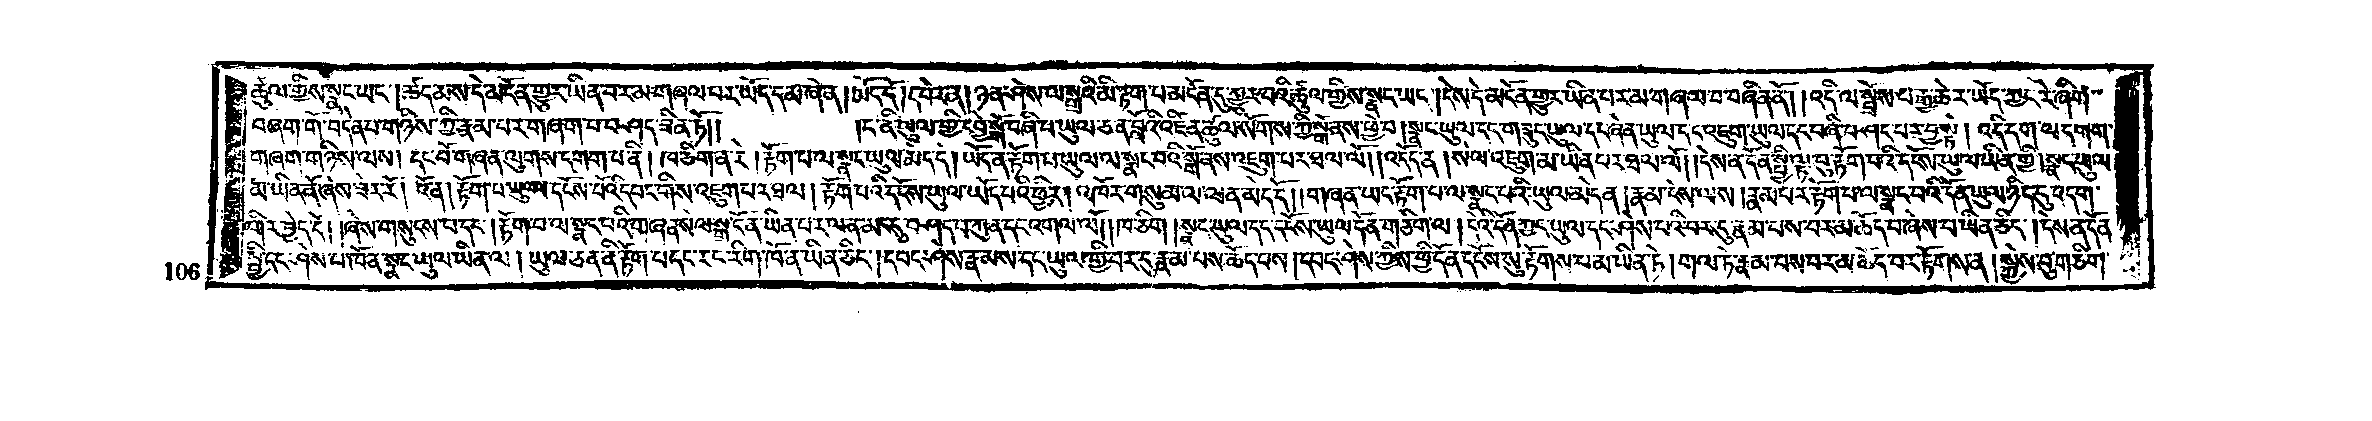ཚུལ་གྱིས་སྣང་ཡང་། ཚད་མས་དེ་མངོན་གྱུར་ཡིན་པར་མ་གཞལ་བར་ཡོད་དམ་ཞེ་ན། ཡོད་དེ། དཔེར་ན། ཉན་ཤེས་ལ་སྒྲའི་མི་རྟག་པ་མངོན་དུ་གྱུར་པའི་ཚུལ་གྱིས་སྣང་ཡང་། དེས་དེ་མངོན་གྱུར་ཡིན་པར་མ་གཞལ་བ་བཞིན་ནོ། །འདི་ལ་སྤྲོས་པ་རྒྱ་ཆེར་ཡོད་ཀྱང་རེ་ཞིག་
བཞག་གོ་བདེན་པ་གཉིས་ཀྱི་རྣམ་པར་གཞག་པ་བཤད་ཟིན་ཏོ།། །ད་ནི་ཡུལ་གྱི་དབྱེ་སྒོ་བཞི་པ་ཡུལ་ཅན་བློའི་འཛིན་ཚུལ་སོགས་ཀྱི་སྒོ་ནས་ཕྱེ་བ། སྣང་ཡུལ་དང་གཟུང་ཡུལ་དང་ཞེན་ཡུལ་དང་འཇུག་ཡུལ་དང་བཞི་བཤད་པར་བྱ་སྟེ། འདི་དག་ལ་དགག་
གཞག་གཉིས་ལས། དང་པོ་གཞན་ལུགས་དགག་པ་ནི། ཁ་ཅིག་ན་རེ། རྟོག་པ་ལ་སྣང་ཡུལ་མེད་དེ། ཡོད་ན་རྟོག་པ་ཡུལ་ལ་སྣང་བའི་སྒོ་ནས་འཇུག་པར་ཐལ་ལོ། །འདོད་ན། སེལ་འཇུག་མ་ཡིན་པར་ཐལ་ལོ། །དེས་ན་དོན་སྤྱི་ལྟ་བུ་རྟོག་པའི་དངོས་ཡུལ་ཡིན་གྱི། སྣང་ཡུལ་
མ་ཡིན་ནོ་ཞེས་ཟེར་རོ། འོ་ན། རྟོག་པ་ཡུལ་ལ་དངོས་པོའི་དབང་གིས་འཇུག་པར་ཐལ། རྟོག་པའི་དངོས་ཡུལ་ཡོད་པའི་ཕྱིར། འཁོར་གསུམ་ལ་ལན་མེད་དོ། །གཞན་ཡང་རྟོག་པ་ལ་སྣང་བའི་ཡུལ་མེད་ན། རྣམ་ངེས་ལས། རྣམ་པར་རྟོག་པ་ལ་སྣང་བའི་དོན་ཡུལ་ཉིད་དུ་བདག་
གིར་བྱེད་དོ། །ཞེས་གསུངས་པ་དང་། རྟོག་པ་ལ་སྣང་བའི་གཞན་སེལ་སྒྲ་དོན་ཡིན་པར་ལན་མང་དུ་བཤད་པ་ཀུན་དང་འགལ་ལོ། །ཁ་ཅིག །སྣང་ཡུལ་དང་དངོས་ཡུལ་དོན་གཅིག་ལ། དེའི་དོན་ཀྱང་ཡུལ་དང་ཤེས་པའི་བར་དུ་རྣམ་པས་བར་མ་ཆོད་པ་ཞེས་པ་ཡིན་ཅིང་། དེས་ན་དོན་
སྤྱི་དང་ཤེས་པ་ཁོ་ན་སྣང་ཡུལ་ཡིན་ལ། ཡུལ་ཅན་ནི་རྟོག་པ་དང་རང་རིག་ཁོ་ན་ཡིན་ཅིང་། དབང་ཤེས་རྣམས་དང་ཡུལ་གྱི་བར་དུ་རྣམ་པས་ཆོད་པས། དབང་ཤེས་ཀྱིས་ཕྱི་དོན་དངོས་སུ་རྟོགས་པ་མ་ཡིན་ཏེ། གལ་ཏེ་རྣམ་པས་བར་མ་ཆོད་པར་རྟོགས་ན། སྐྱེས་བུ་གཅིག་